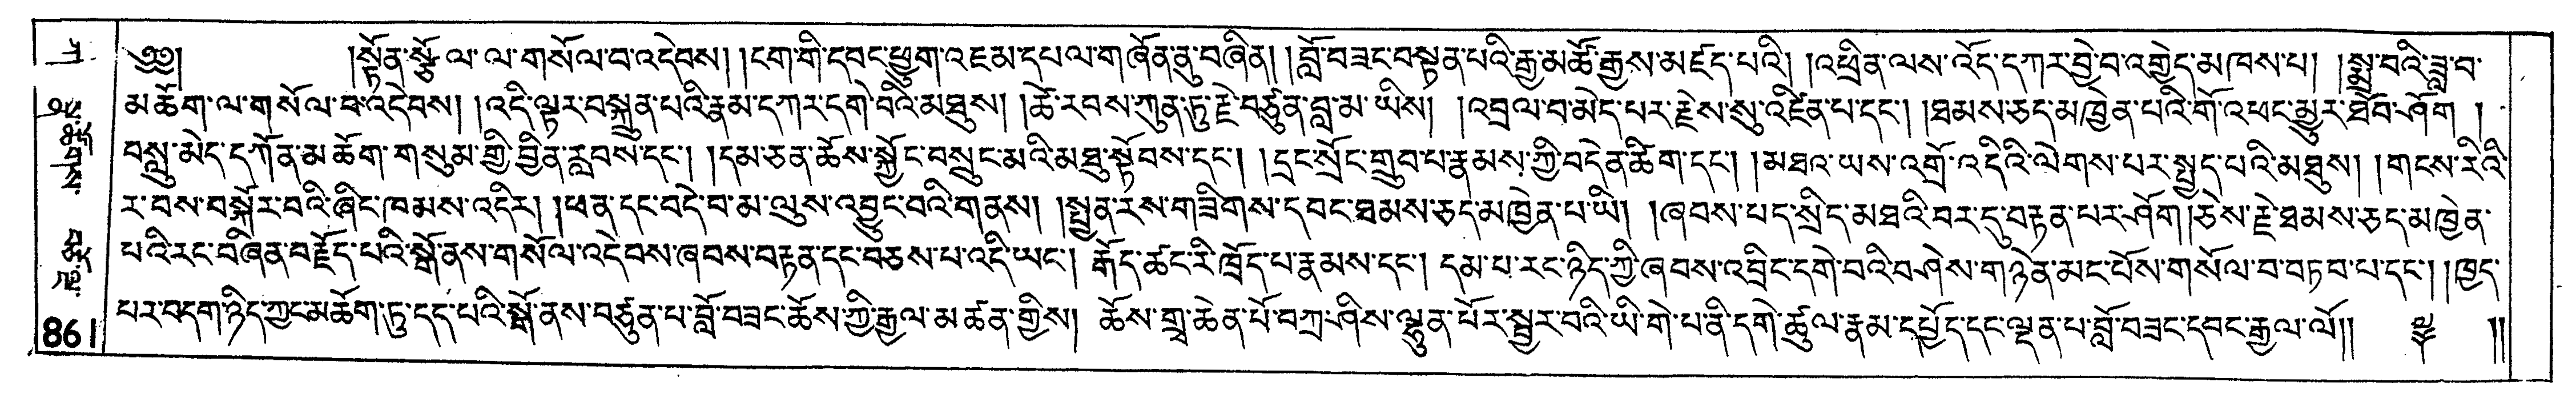༄༅། །སྟོན་སྩོལ་ལ་གསོལ་བ་འདེབས། །ངག་གི་དབང་ཕྱུག་འཇམ་དཔལ་གཞོན་ནུ་བཞིན། །བློ་བཟང་བསྟན་པའི་རྒྱ་མཚོ་རྒྱས་མཛད་པའི། །འཕྲིན་ལས་འོད་དཀར་བྱེ་བ་འགྱེད་མཁས་པ། །སྨྲ་བའི་ཟླ་བ་
མཆོག་ལ་གསོལ་བ་འདེབས། །འདི་ལྟར་བསྐྲུན་པའི་རྣམ་དཀར་དགེ་བའི་མཐུས། །ཚེ་རབས་ཀུན་ཏུ་རྗེ་བཙུན་བླ་མ་ཡིས། །འབྲལ་བ་མེད་པར་རྗེས་སུ་འཛིན་པ་དང་། །ཐམས་ཅད་མཁྱེན་པའི་གོ་འཕང་མྱུར་ཐོབ་ཤོག །
བསླུ་མེད་དཀོན་མཆོག་གསུམ་གྱི་བྱིན་རླབས་དང་། །དམ་ཅན་ཆོས་སྐྱོང་བསྲུང་མའི་མཐུ་སྟོབས་དང་། །དྲང་སྲོང་གྲུབ་པ་རྣམས་ཀྱི་བདེན་ཚིག་དང་། །མཐའ་ཡས་འགྲོ་འདིའི་ལེགས་པར་སྤྱད་པའི་མཐུས། །གངས་རིའི་
ར་བས་བསྐོར་བའི་ཞིང་ཁམས་འདིར། །ཕན་དང་བདེ་བ་མ་ལུས་འབྱུང་བའི་གནས། །སྤྱན་རས་གཟིགས་དབང་ཐམས་ཅད་མཁྱེན་པ་ཡི། །ཞབས་པད་སྲིད་མཐའི་བར་དུ་བརྟན་པར་ཤོག །ཅེས་རྗེ་ཐམས་ཅད་མཁྱེན་
པའི་རང་བཞིན་བརྗོད་པའི་སྒོ་ནས་གསོལ་འདེབས་ཞབས་བརྟན་དང་བཅས་པ་འདི་ཡང་། རྒོད་ཚང་རི་ཁྲོད་པ་རྣམས་དང་། དམ་པ་རང་ཉིད་ཀྱི་ཞབས་འབྲིང་དགེ་བའི་བཤེས་གཉེན་མང་པོས་གསོལ་བ་བཏབ་པ་དང་། །ཁྱད་
པར་བདག་ཉིད་ཀྱང་མཆོག་ཏུ་དད་པའི་སྒོ་ནས་བཙུན་པ་བློ་བཟང་ཆོས་ཀྱི་རྒྱལ་མཚན་གྱིས། ཆོས་གྲྭ་ཆེན་པོ་བཀྲ་ཤིས་ལྷུན་པོར་སྦྱར་བའི་ཡི་གེ་པ་ནི་དགེ་ཚུལ་རྣམ་དཔྱོད་དང་ལྡན་པ་བློ་བཟང་དབང་རྒྱལ་ལོ།། ༈ །།